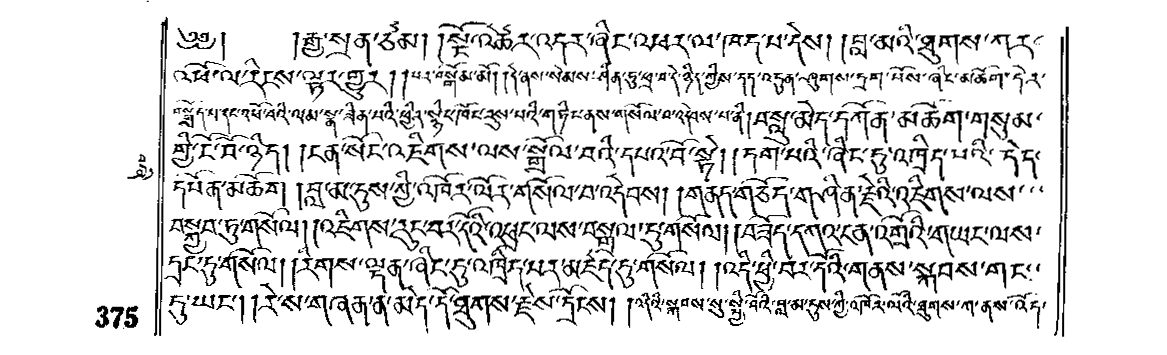༄༅། །རྒྱ་སྲན་ཙམ། །སྔོ་འཚར་འདར་ཞིང་འཕར་ལ་ཁད་པ་དེས། །བླ་མའི་ཐུགས་ཀར་
འཕོ་ལ་རིངས་ལྟར་གྱུར། །པར་བསྒོམ་མོ། །དེ་ནས་སེམས་ཤིན་ཏུ་ཕྲ་བ་དེ་ཉིད་ཀྱིས་དད་འདུན་ཤུགས་དྲག་པོས་ཞིང་མཆོག་དེར་
བསྒྲོད་པ་དང་འཕོ་བའི་ལམ་སྣ་ཟིན་པའི་ཕྱིར་སྙིང་ཁོང་རུས་པའི་གཏིང་ནས་གསོལ་བ་འདེབས་པ་ནི། བསླུ་མེད་དཀོན་མཆོག་གསུམ་
གྱི་ངོ་བོ་ཉིད། །ངན་སོང་འཇིགས་ལས་སྒྲོལ་བའི་དཔའ་བོ་སྟེ། །དག་པའི་ཞིང་ཏུ་འཁྲིད་པའི་ངེད་
དཔོན་མཆོག །བླ་མ་དུས་ཀྱི་འཁོར་ལོར་གསོལ་བ་འདེབས། །གནད་གཅོད་གཤིན་རྗེའི་འཇིགས་ལས་
བསྐྱབ་ཏུ་གསོལ། །འཇིགས་རུང་བར་དོའི་འཕྲང་ལས་བསྒྲལ་དུ་གསོལ། །བཟོད་དཀའ་ངན་འགྲོའི་གཡང་ལས་
དྲང་དུ་གསོལ། །རིགས་ལྡན་ཞིང་དུ་འཁྲིད་པར་མཛད་དུ་གསོལ། །འདི་ཕྱི་བར་དེའི་གནས་སྐབས་གང་
དུ་ཡང་། །རེ་ས་གཞན་ན་མེད་དོ་ཐུགས་རྗེས་དྲོངས། །འདིའི་སྐབས་སུ་སྤྱི་བོའི་བླ་མ་དུས་ཀྱི་འཁོར་ལོའི་ཐུགས་ཀ་ནས་འོད་